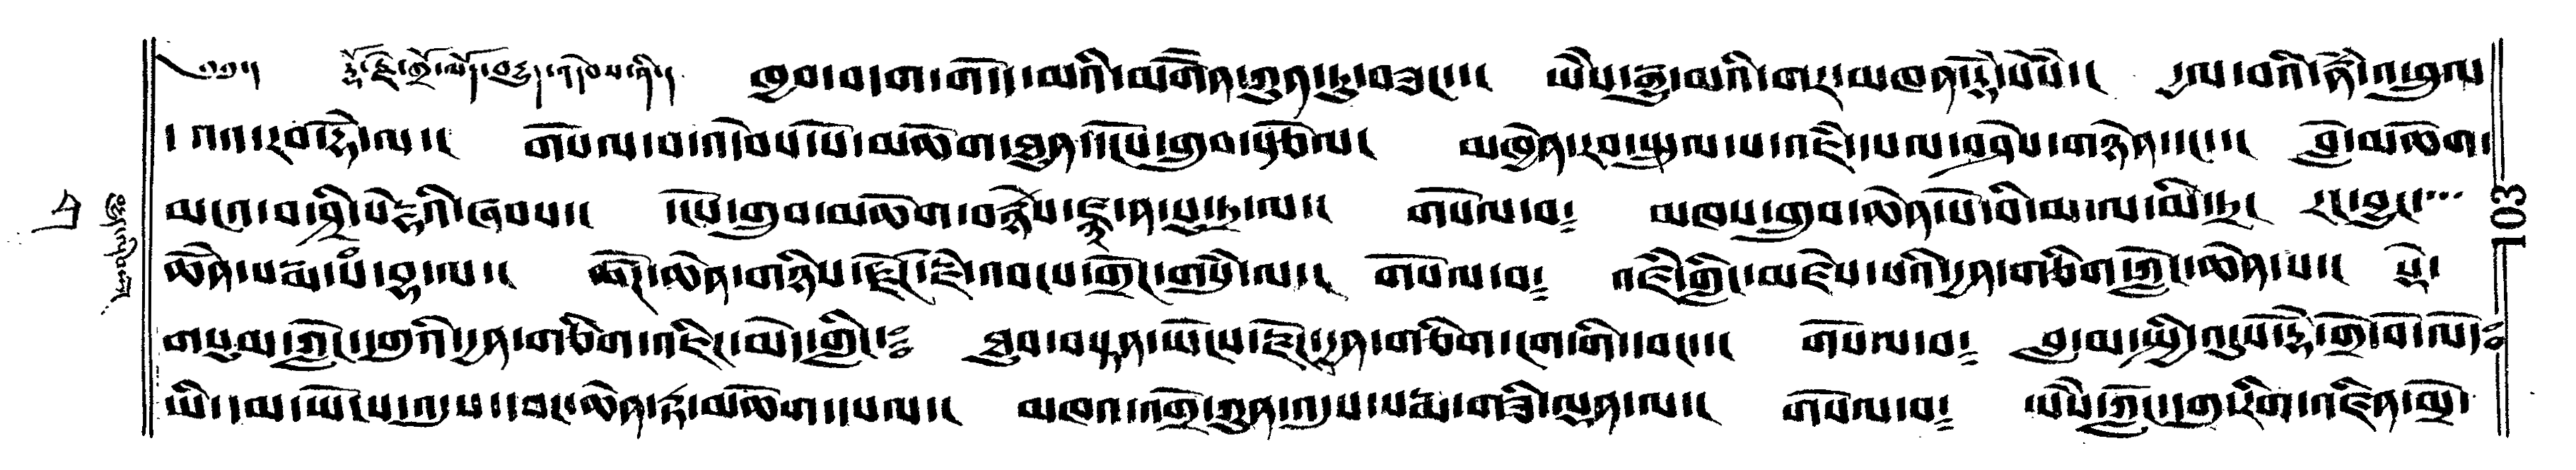རྡོ་རྗེ་གྲོད་ལོད་ཀྱི་བརྒྱུད་འདེབས་ནི། ཁྱབ་བདག་གདོད་མའི་མགོན་པོ་ཀུན་ཏུ་བཟང་། །ཡེ་ཤེས་སྒྱུ་མའི་གར་མཁན་རྡོ་རྗེ་སེམས། །རྒྱལ་བའི་རྣམ་འཕྲུལ་
དགའ་རབ་རྡོ་རྗེ་ལ། །གསོལ་བ་འདེབས་སོ་མཆོག་ཐུན་དངོས་གྲུབ་སྩོལ། །མཁྱེན་རབ་སྤྲུལ་པ་འཇམ་དཔལ་བཤེས་གཉེན་དང་། །བློ་མཆོག་
མངའ་བ་ཤྲི་སེངྷའི་ཞབས། །དངོས་གྲུབ་མཆོག་བརྙེས་ཛྙ་ན་སུ་ཏྲ་ལ། །གསོལ་བ༴ མཁས་གྲུབ་ཆེན་པོ་བི་མ་ལ་མི་ཏྲ། །རང་བྱུང་
ཆེན་པོ་པདྨ་སཾ་བྷ་ཝ། །ཚོགས་ཆེན་གཉིས་རྫོགས་རྗེ་འབངས་གྲོགས་གསུམ་ལ། །གསོལ་བ༴ འཛམ་གླིང་མཛེས་པའི་རྒྱན་གཅིག་ཀློང་ཆེན་པ། །སྡེ་
གསུམ་ཀློང་དགུའི་རྒྱན་གཅིག་འཇིགས་མེད་གླིང་། །ཐུབ་བསྟན་ཡོངས་རྗོགས་རྒྱན་གཅིག་ངག་གི་དབང་། །གསོལ་བ༴བླ་མ་སྤྱི་འདུས་རྡོ་རྗེ་གྲོ་བོ་ལོད། །
ཡི་དམ་ཡོངས་འདུས་དབང་ཆེན་རྟ་མཆོག་དཔལ། །མཁའ་འགྲོ་ཀུན་འདུས་པདྨ་གཟི་ལྡན་ལ། །གསོལ་བ༴ ཡེ་ཤེས་ཀློང་དགུ་རིག་འཛིན་མཁའ་འགྲོ་